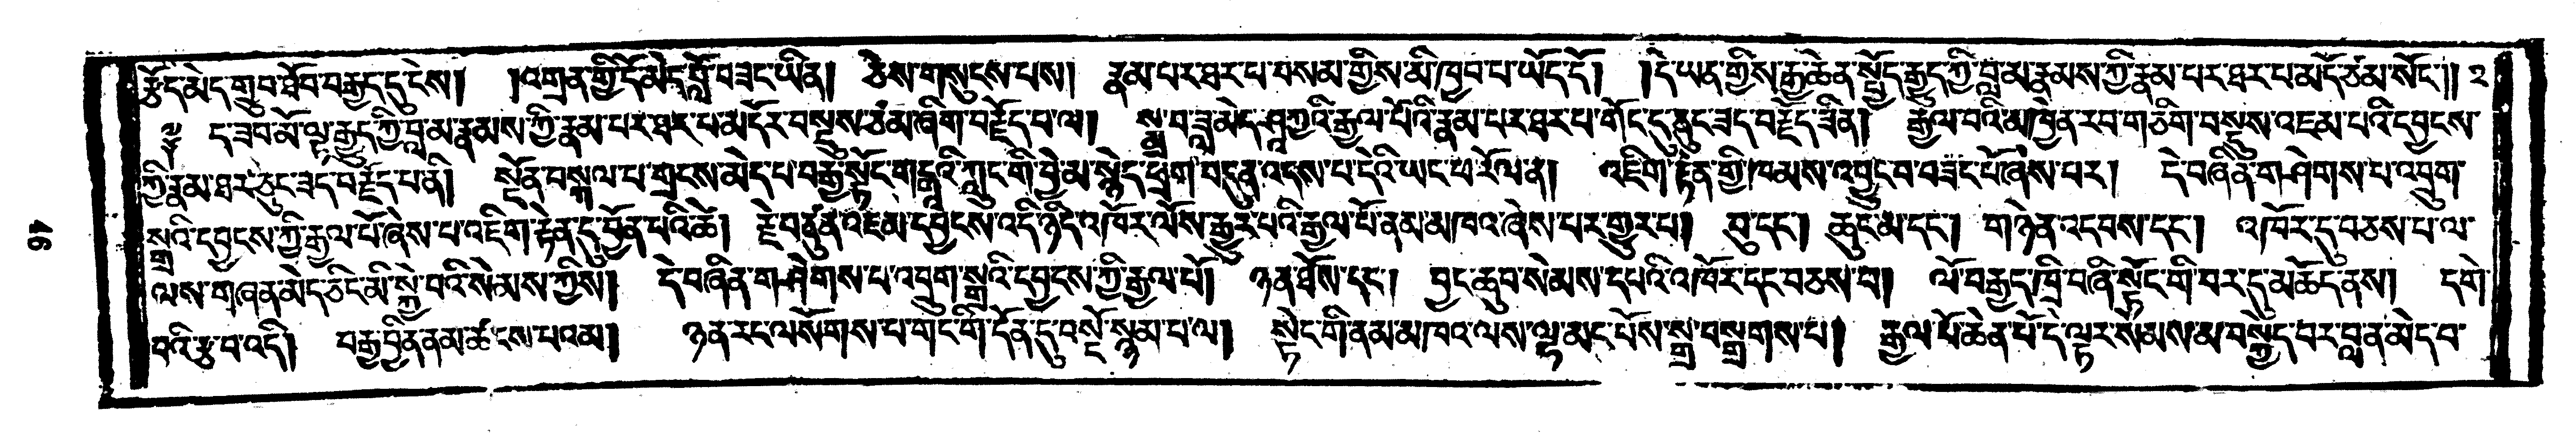རྩོད་མེད་གྲུབ་ཐོབ་བརྒྱད་དུ་ངེས། །འགྲན་གྱི་དོ་མེད་བློ་བཟང་ཡིན། ཅེས་གསུངས་པས། རྣམ་པར་ཐར་པ་བསམ་གྱིས་མི་ཁྱབ་པ་ཡོད་དོ། །དེ་ཡན་གྱིས་རྒྱ་ཆེན་སྤྱོད་རྒྱུད་ཀྱི་བླ་མ་རྣམས་ཀྱི་རྣམ་པར་ཐར་པ་མདོ་ཙམ་སོང།།
༈ ད་ཟབ་མོ་ལྟ་རྒྱུད་ཀྱི་བླ་མ་རྣམས་ཀྱི་རྣམ་པར་ཐར་པ་མདོར་བསྡུས་ཙམ་ཞིག་བརྗོད་པ་ལ། སྨྲ་བ་ཟླ་མེད་ཤཱཀྱའི་རྒྱལ་པོའི་རྣམ་པར་ཐར་པ་གོང་དུ་ཅུང་ཟད་བརྗོད་ཟིན། རྒྱལ་བའི་མཁྱེན་རབ་གཅིག་བསྡུས་འཇམ་པའི་དབྱངས་
ཀྱི་རྣམ་ཐར་ཅུང་ཟད་བརྗོད་པ་ནི། སྔོན་བསྐལ་པ་གྲངས་མེད་པ་བརྒྱ་སྟོང་གངྒཱའི་ཀླུང་གི་བྱེ་མ་སྙེད་ཕྲག་བདུན་འདས་པ་དེའི་ཡང་ཕ་རོལ་ན། འཇིག་རྟེན་གྱི་ཁམས་འབྱུང་བ་བཟང་པོ་ཞེས་པར། དེ་བཞིན་གཤེགས་པ་འབྲུག་
སྒྲའི་དབྱངས་ཀྱི་རྒྱལ་པོ་ཞེས་པ་འཇིག་རྟེན་དུ་བྱོན་པའི་ཚེ། རྗེ་བཙུན་འཇམ་དབྱངས་འདི་ཉིད་འཁོར་ལོས་རྒྱུར་པའི་རྒྱལ་པོ་ནམ་མཁའ་ཞེས་པར་གྱུར་པ། བུ་དང་། ཆུང་མ་དང་། གཉེན་འདབས་དང་། འཁོར་དུ་བཅས་པ་ལ་
ལས་གཞན་མེད་ཅིང་མི་སྐྱེ་བའི་སེམས་ཀྱིས། དེ་བཞིན་གཤེགས་པ་འབྲུག་སྒྲའི་དབྱངས་ཀྱི་རྒྱལ་པོ། ཉན་ཐོས་དང་། བྱང་ཆུབ་སེམས་དཔའི་འཁོར་དང་བཅས་བ། ལོ་བརྒྱད་ཁྲི་བཞི་སྟོང་གི་བར་དུ་མཆོད་ནས། དགེ་
བའི་རྩ་བ་འདི། བརྒྱ་བྱིན་ནམ་ཚངས་པའམ། ཉན་རང་ལ་སོགས་པ་གང་གི་དོན་དུ་བསྔོ་སྙམ་པ་ལ། སྟེང་གི་ནམ་མཁའ་ལས་ལྷ་མང་པོས་སྒྲ་བསྒྲགས་པ། རྒྱལ་པོ་ཆེན་པོ་དེ་ལྟར་སེམས་མ་བསྐྱེད་པར་བླ་ན་མེད་བ་